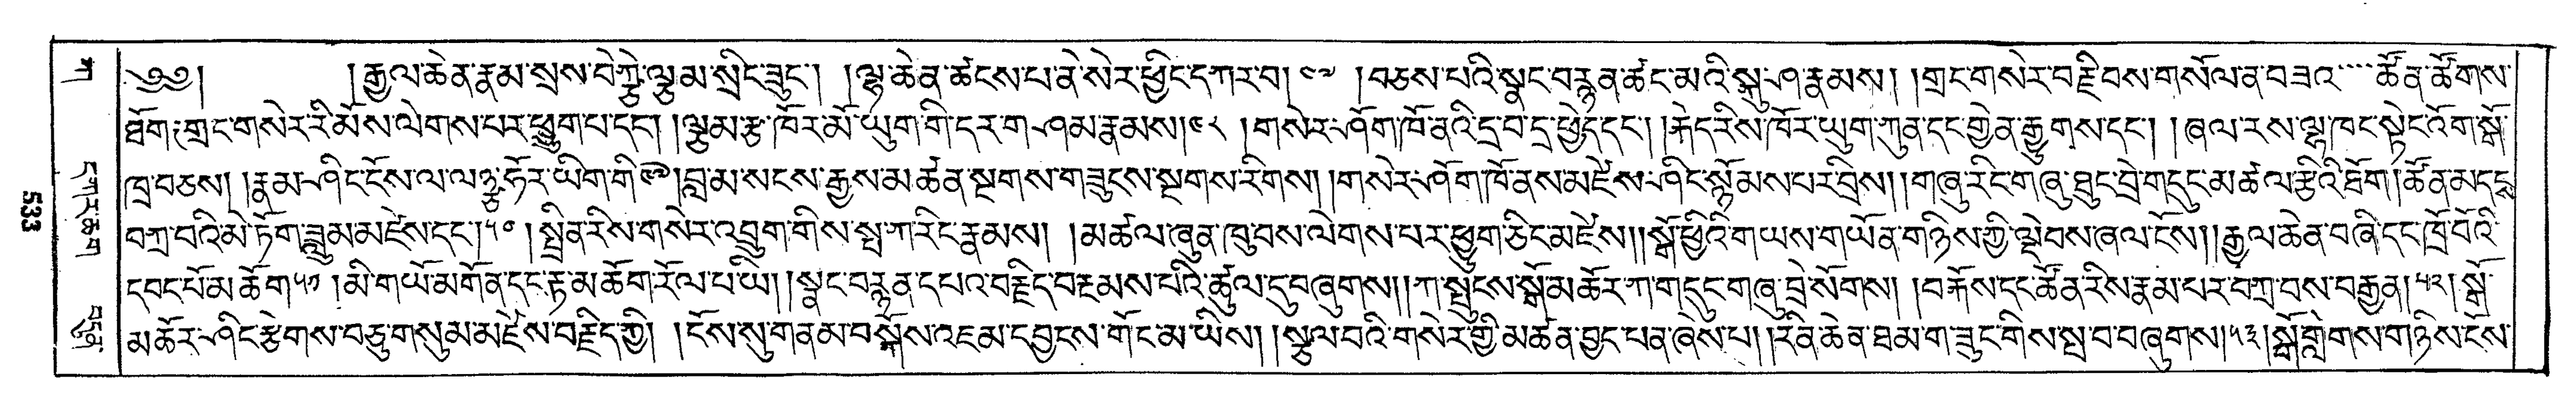༄༅། །རྒྱལ་ཆེན་རྣམ་སྲས་བེཀཙེ་ལྕམ་སྲིང་ཟུང་། །ལྷ་ཆེན་ཚངས་པ་ནེ་སེར་ཕྱིང་དཀར་བ། ༤༧་།བཅས་པའི་སྣང་བརྙན་ཚང་མའི་སྐུ་ཤ་རྣམས། །གྲང་གསེར་བརྗིབས་གསོལ་ན་བཟའ་ཚོན་ཚོགས་
ཐོག། གྲང་གསེར་རི་མོས་ལེགས་པར་ཕྱུག་པ་དང་། །ལྕམ་རྩ་ཁོར་མོ་ཡུག་གི་དར་གཤམ་རྣམས། ༤༨་།གསེར་ཤོག་ཁོ་ནའི་དྲ་བ་དྲ་ཕྱེད་དང་། །རྐེད་རིས་ཁོར་ཡུག་ཀུན་དང་གྱེན་རྒྱུགས་དང་། །ཞལ་རས་ལྷ་ཁང་སྟེང་འོག་སྒོ་
ཁྲ་བཅས། །རྣམ་ཤིང་ངོས་ལ་ལཉྩ་ཧོར་ཡིག་གི ༤༧་།བླ་མ་སངས་རྒྱས་མཚན་སྔགས་གཟུངས་སྔགས་རིགས། །གསེར་ཤོག་ཁོ་ནས་མཛེས་ཤིང་སྙོམས་པར་བྲིས། །གཞུ་རིང་གཞུ་ཐུང་བྲེ་གདུང་མཆལ་རྩིའི་ཐོག། ཚོན་མདངས་
བཀྲ་བའི་མེ་ཏོག་ཟླུམ་མཛེས་དང་། ༥༠་།སྤྲིན་རིས་གསེར་འབྲུག་གིས་སྤ་ཀ་རིང་རྣམས། །མཚལ་ཞུན་ཁུ་བས་ལེགས་པར་ཕྱུག་ཅིང་མཛེས། །སྒོ་ཕྱིའི་གཡས་གཡོན་གཉིས་ཀྱི་ལྡེབས་ཞལ་ངོས། །རྒྱལ་ཆེན་བཞི་དང་ཁྲོ་བོའི་
དབང་པོ་མཆོག ༥༡་།མི་གཡོ་མགོན་དང་རྟ་མཆོག་རོལ་པ་ཡི། །སྣང་བརྙན་དཔའ་བརྗིད་བརྡམས་པའི་ཚུལ་དུ་བཞུགས། །ཀ་སྤུངས་སྒོ་མཆོར་ཀ་གདུང་གཞུ་བྲེ་སོགས། །བརྐོས་དང་ཚོན་རིས་རྣམ་པར་བཀྲ་བས་བརྒྱན། ༥༢། སྒོ་
མཆོར་ཤིང་རྩེགས་བཅུ་གསུམ་མཛེས་བརྗིད་ཀྱི། ངོས་སུ་གནམ་བསྐོས་འཇམ་དབྱངས་གོང་མ་ཡིས། །སྩོལ་བའི་གསེར་གྱི་མཚན་བྱང་པན་ཞེས་པ། །རིན་ཆེན་ཐ་མ་ག་ཟུང་གིས་སྤ་བ་བཞུགས། ༥༣་།སྒོ་གླེགས་གཉིས་ངོས་